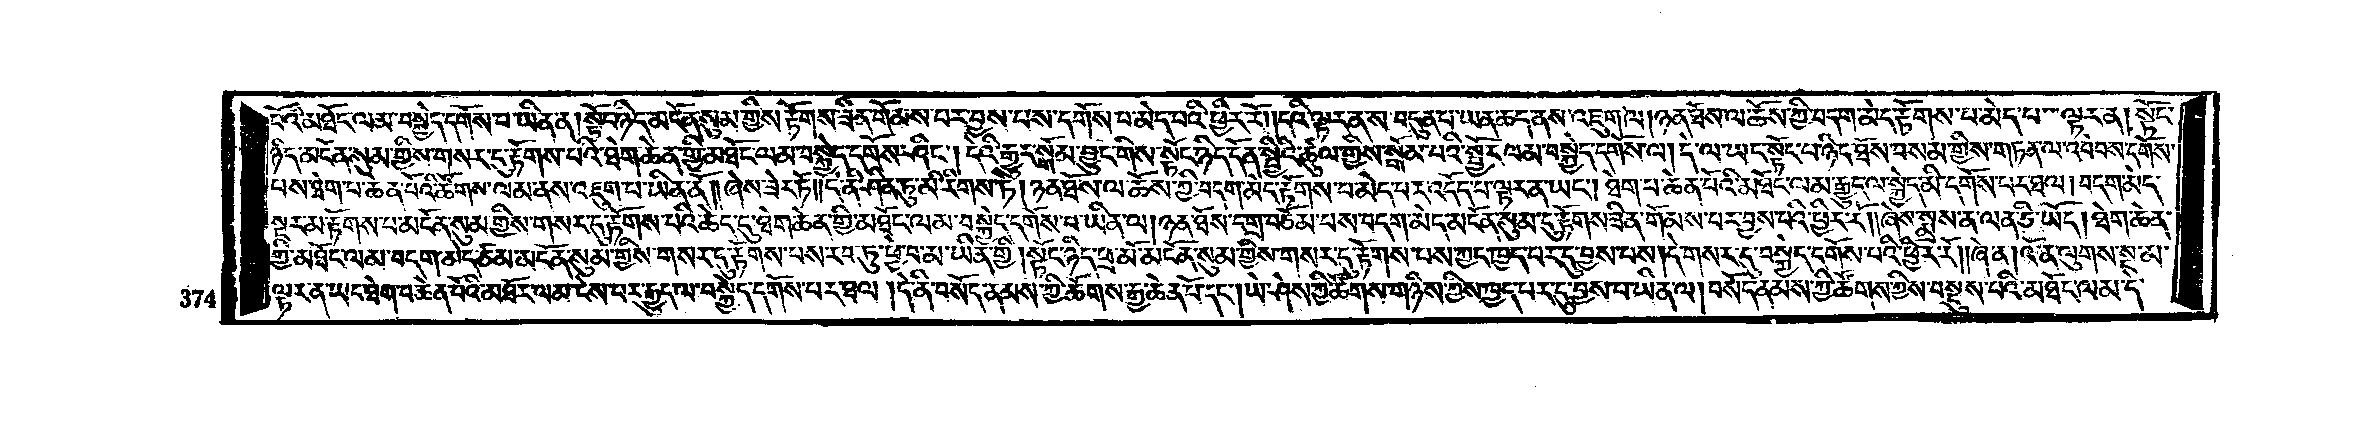པོའི་མཐོང་ལམ་བསྐྱེད་དགོས་པ་ཡིན་ན། སྟོང་ཉིད་མངོན་སུམ་གྱིས་རྟོགས་ཟིན་གོམས་པར་བྱས་པས་དགོས་པ་མེད་པའི་ཕྱིར་རོ། །དེའི་ལྟར་ན་ས་བདུན་པ་ཡན་ཆད་ནས་འཇུག་ལ། ཉན་ཐོས་ལ་ཆོས་ཀྱི་བདག་མེད་རྟོགས་པ་མེད་པ་ལྟར་ན། སྟོང་
ཉིད་མངོན་སུམ་གྱིས་གསར་དུ་རྟོགས་པའི་ཐེག་པ་ཆེན་གྱི་མཐོང་ལམ་བསྐྱེད་དགོས་ཤིང་། དེའི་རྒྱུར་སྒོམ་བྱུང་གྱིས་སྟོང་ཉིད་དོན་སྤྱིའི་ཚུལ་གྱིས་སྒོམ་པའི་སྦྱོར་ལམ་བསྐྱེད་དགོས་ལ། དེ་ལ་ཡང་སྟོང་པ་ཉིད་ཐོས་བསམ་གྱིས་གཏན་ལ་འབེབས་དགོས་
པས་ཐེག་པ་ཆེན་པོའི་ཚོགས་ལམ་ནས་འཇུག་པ་ཡིན་ནོ། །ཞེས་ཟེར་ཏོ། །དེ་ནི་ཤིན་ཏུ་མི་རིགས་ཏེ། ཉན་ཐོས་ལ་ཆོས་ཀྱི་བདག་མེད་རྟོགས་པ་མེད་པར་འདོད་པ་ལྟར་ན་ཡང་། ཐེག་པ་ཆེན་པོའི་མཐོང་ལམ་རྒྱུད་ལ་སྐྱེད་མི་དགོས་པར་ཐལ། བདག་མེད་
སྔར་མ་རྟོགས་པ་མངོན་སུམ་གྱིས་གསར་དུ་རྟོགས་པའི་ཆེད་དུ་ཐེག་ཆེན་གྱི་མཐོང་ལམ་བསྐྱེད་དགོས་པ་ཡིན་ལ། ཉན་ཐོས་དགྲ་བཅོམ་པས་བདག་མེད་མངོན་སུམ་དུ་རྟོགས་ཟིན་གོམས་པར་བྱས་པའི་ཕྱིར་རོ། །ཞེས་སྨྲས་ན་ལན་ཅི་ཡོད། ཐེག་ཆེན་
གྱི་མཐོང་ལམ་བདག་མེད་ཙམ་མངོན་སུམ་གྱིས་གསར་དུ་རྟོགས་པས་རབ་ཏུ་ཕྱེ་བ་མ་ཡིན་གྱི་།སྟོང་ཉིད་ཕྲ་མོ་མངོན་སུམ་གྱིས་གསར་དུ་རྟོགས་པས་ཀྱང་ཁྱད་པར་དུ་བྱས་པས། དེ་གསར་དུ་བསྐྱེད་དགོས་པའི་ཕྱིར་རོ། །ཞེ་ན། འོ་ན་ལུགས་སྔ་མ་
ལྟར་ན་ཡང་ཐེག་པ་ཆེན་པོའི་མཐོང་ལམ་ངེས་པར་རྒྱུད་ལ་བསྐྱེད་དགོས་པར་ཐལ། དེ་ནི་བསོད་ནམས་ཀྱི་ཚོགས་རྒྱ་ཆེན་པོ་དང་། ཡེ་ཤེས་ཀྱི་ཚོགས་གཉིས་ཀྱིས་ཁྱད་པར་དུ་བྱས་པ་ཡིན་ལ། བསོད་ནམས་ཀྱི་ཚོགས་ཀྱིས་བསྡུས་པའི་མཐོང་ལམ་དེ་